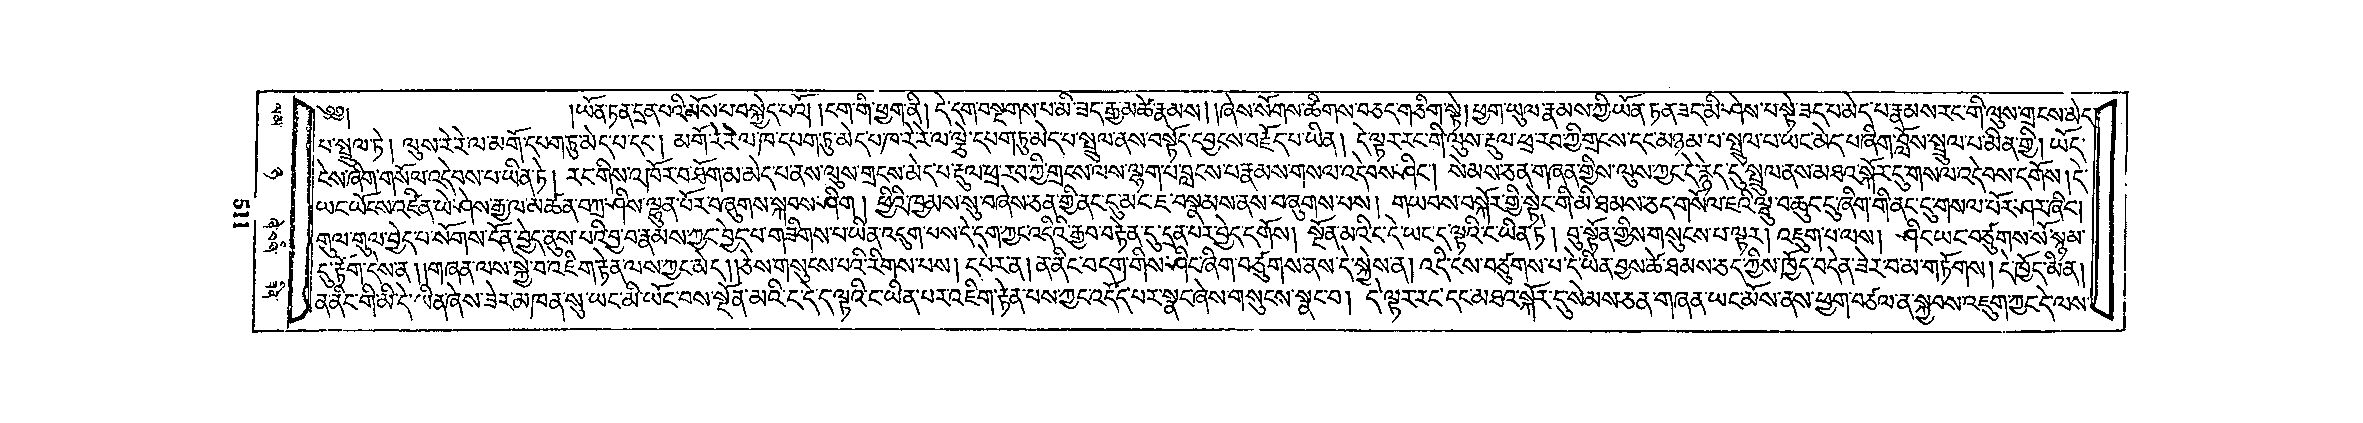༄༅། །ཡོན་ཏན་དྲན་པའི་མོས་པ་བསྐྱེད་པའོ། །ངག་གི་ཕྱག་ནི། དེ་དག་བསྔགས་པ་མི་ཟད་རྒྱ་མཚེ་རྣམས། །ཞེས་སོགས་ཚིགས་བཅད་གཅིག་སྟེ། ཕྱག་ཡུལ་རྣམས་ཀྱི་ཡོན་ཏན་ཟད་མི་ཤེས་པ་སྟེ་ཟད་པ་མེད་པ་རྣམས་རང་གི་ལུས་གྲངས་མེད་
པ་སྤྲུལ་ཏེ། ལུས་རེ་རེ་ལ་མགོ་དཔག་ཏུ་མེད་པ་དང་། མགོ་རེ་རེ་ལ་ཁ་དཔག་ཏུ་མེད་པ་ཁ་རེ་རེ་ལ་ལྕེ་དཔག་ཏུ་མེད་པ་སྤྲུལ་ནས་བསྟོད་དབྱངས་བརྗོད་པ་ཡིན། དེ་ལྟར་རང་གི་ལུས་རྡུལ་ཕྲ་རབ་ཀྱི་གྲངས་དང་མཉམ་པ་སྤྲུལ་པ་ཡང་མེད་པ་ཞིག་བློས་སྤྲུལ་པ་མིན་གྱི། ཡོད་
ངེས་ཞིག་གསོལ་འདེབས་པ་ཡིན་ཏེ། རང་གིས་འཁོར་བ་ཐོག་མ་མེད་པ་ནས་ལུས་གྲངས་མེད་པ་རྡུལ་ཕྲ་རབ་ཀྱི་གྲངས་ལས་ལྷག་པ་བླངས་པ་རྣམས་གསལ་འདེབས་ཤིང་། སེམས་ཅན་གཞན་གྱིས་ལུས་ཀྱང་དེ་རྙེད་དུ་སྤྲུལ་ནས་མཐའ་སྐོར་དུ་གསལ་འདེབས་དགོས། དེ་
ཡང་ཡོངས་འཛིན་ཡེ་ཤེས་རྒྱལ་མཚན་བཀྲ་ཤིས་ལྷུན་པོར་བཞུགས་སྐབས་ཤིག །ཕྱིའི་ཁྱམས་སུ་བཞེས་ཅན་གྱི་ནང་དུ་མང་ཇ་བསྣམས་ནས་བཞུགས་པས། གཡབས་བསྐོར་གྱི་སྟེང་གི་མི་ཐམས་ཅད་གསོལ་ཇའི་ལྦུ་བ་ཆུང་ངུ་ཞིག་གི་ནང་དུ་གསལ་པོར་ཤར་ཞིང་།
གུལ་གུལ་བྱེད་པ་སོགས་དོན་བྱེད་ནུས་པའི་བྱ་བ་རྣམས་ཀྱང་བྱེད་པ་གཟིགས་པ་ཡིན་འདུག་པས་དེ་དག་ཀྱང་འདིའི་རྒྱབ་བརྟེན་དུ་དྲན་པར་བྱེད་དགོས། སྔོན་མའི་ང་དེ་ཡང་ད་ལྟའི་ང་ཡིན་ཏེ། བུ་སྟོན་གྱིས་གསུངས་པ་ལྟར། འཇུག་པ་ལས། ཤིང་ཡང་བཙུགས་སོ་སྙམ་
དུ་རྟོག་དེས་ན། །གཞན་ལས་སྐྱེ་བ་འཇིག་རྟེན་ལས་ཀྱང་མེད། །ཅེས་གསུངས་པའི་རིགས་པས། དཔེར་ན། ན་ནིང་བདག་གིས་ཤིང་ཞིག་བཙུགས་ནས་དེ་སྐྱེས་ན། འདི་ངས་བཙུགས་པ་དེ་ཡིན་བྱས་ཚེ་ཐམས་ཅད་ཀྱིས་ཁྱོད་བདེན་ཟེར་བ་མ་གཏོགས། དེ་ཁྱོད་མིན།
ན་ནིང་གི་མི་དེ་ཡིན་ཞེས་ཟེར་མཁན་སུ་ཡང་མི་ཡོང་བས་སྔོན་མའི་ང་དེ་ད་ལྟའི་ང་ཡིན་པར་འཇིག་རྟེན་པས་ཀྱང་འདོད་པར་སྣང་ཞེས་གསུངས་སྣང་བ། དེ་ལྟར་རང་དང་མཐའ་སྐོར་དུ་སེམས་ཅན་གཞན་ཡང་མོས་ནས་ཕྱག་བཙལ་ན་སྐྱབས་འཇུག་ཀྱང་དེ་ལས་